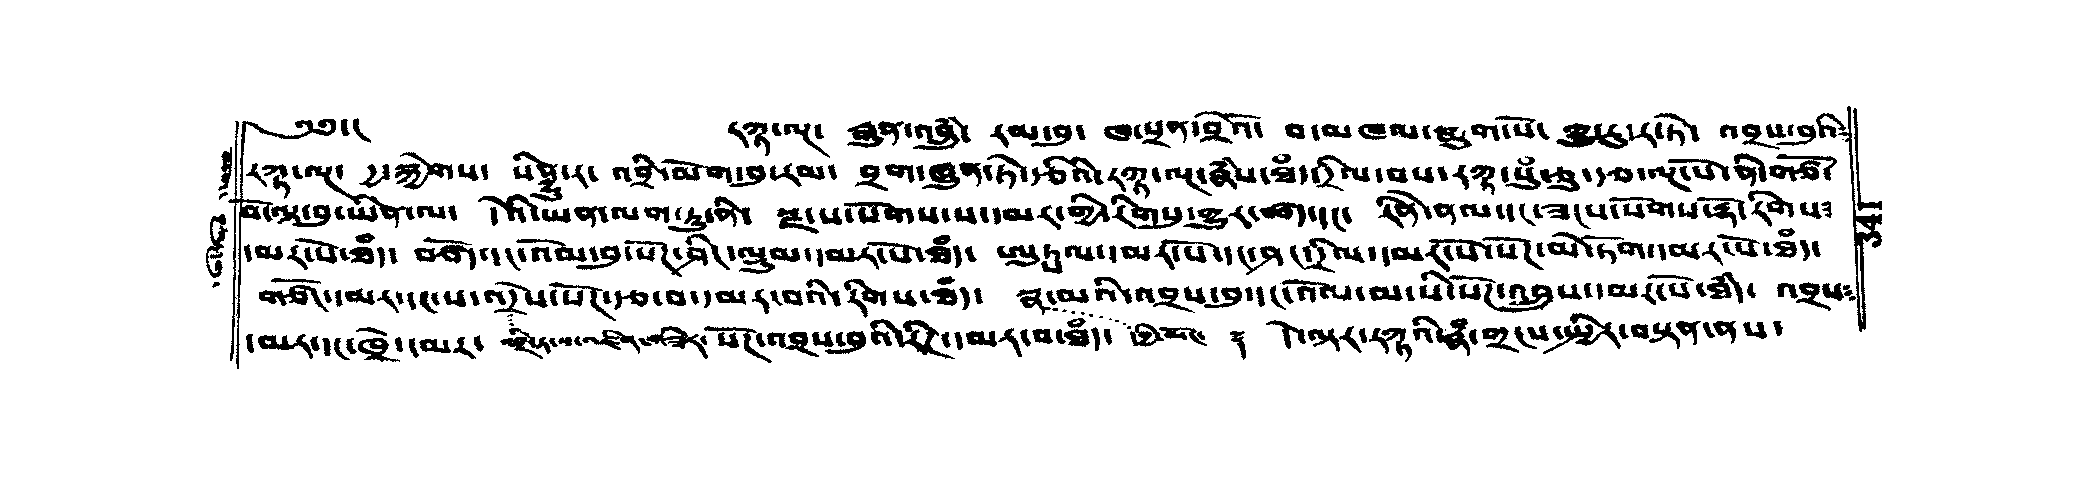རཀྟ་ལྔ་། རྒུན་འབྲུམ། རམ་བུ། ཁ་སྲན་བྲེའོ། བ་མཁལ་སྨུག་པོ། ཀྱུ་རུ་ར་སྟེ། འབྲས་བུའི་
རཀྟ་ལྔ་། རྒྱ་སྐྱེགས། སིནྡྷུ་ར། འབྲི་མོག་བུ་རམ། བྲག་ཞུན་ཏེ་རྩིའི་རཀྟ་ལྔ་རྣམས་དྲིལ་བས་རཀྟ་སུམ་ཅུ་རྩ་ལྔ་པོ་ནི་གཙོ་
བོ་ལྟ་བུ་ཡིན་ལ། དེའི་ཡན་ལག་ཏུ་ནི། རྗ་ས་སོགས་ས་དམར་གྱི་རིགས་སུ་གྱུར་ཚད་དང་། རིན་ཆེན་ནམ་དང་ཟངས་སོགས་རྡོ་རིགས་
དམར་པོ་ཐམས་ཅད། ཨུཏྤལ་དམར་པོ་དང་ཤང་དྲིལ་དམར་པོ་སོགས་མེ་ཏོག་དམར་པོ་སོགས་ཐམས་ཅད་
ཙོང་དམར་དང་ས་འབྲི་ཏ་ས་འཛིན་གཟིར། འདྲེས་སོགས་རྩ་བ་དམར་བའི་དམར་བའི་རིགས་ཐམས་ཅད། དབྱི་མོང་། སྣ་མའི་འབྲས་བུ་དང་འོལ་མ་སི་སོགས་འབྲས་བུ་དམར་པོ་ཐམས་ཅད། འབྲས་
དམར་དང་ཁྲེ་དམར་སོགས་འབྲས་བུའི་རིགས་དམར་པོ་ཐམས་ཅད། ༈ དེ་ལྟར་རཀྟའི་རྣམ་གྲངས་སྤྱིར་བསྟན་ནས།